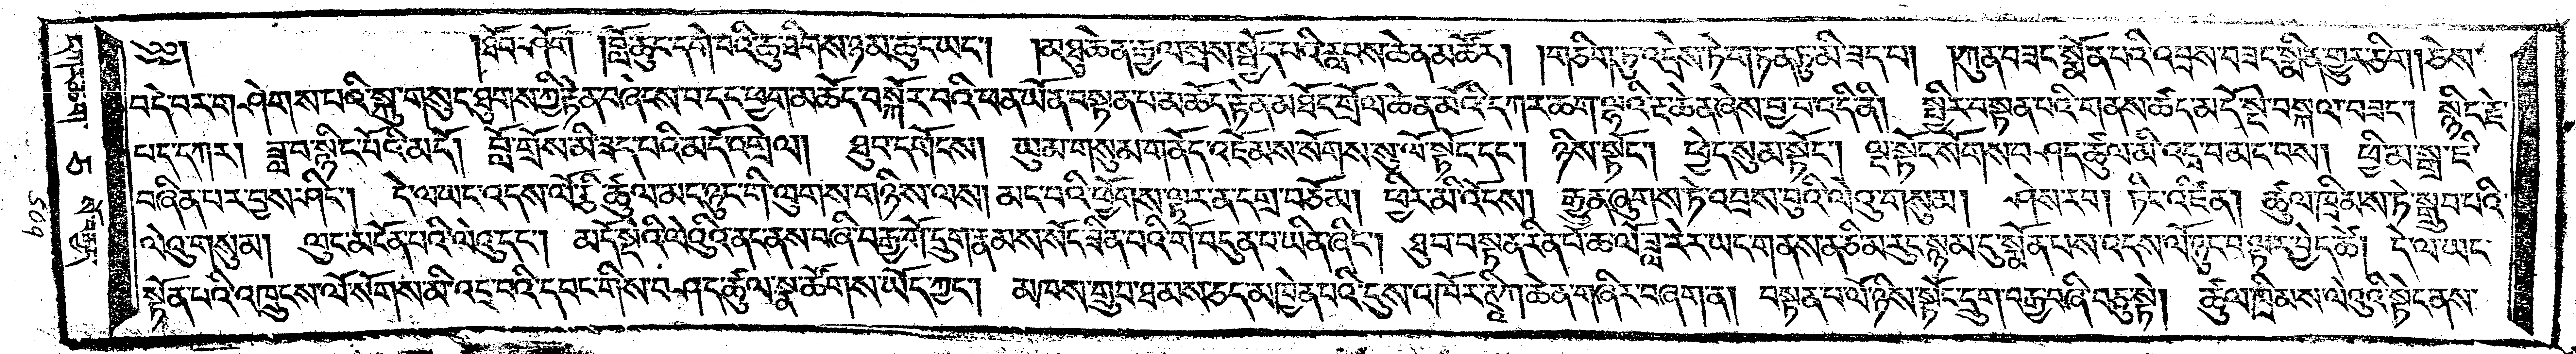༄༅། །ཐོབ་ཤོག །བློ་ཆུང་དགེ་བའི་ཆུ་ཐིགས་ཉམ་ཆུང་ཡང་། །མཐུ་ཆེན་རྒྱལ་སྲས་སྦྱོད་པའི་རླབས་ཆེན་མཚོར། །གཅིག་ཏུ་འདྲེས་ཏེ་གཏན་ཏུ་མི་ཟད་བ། །ཀུན་བཟང་སྨན་པའི་འབྲས་བཟང་སྨིན་གྱུར་ཅིག །ཅེས་
བདེ་བར་གཤེགས་བའི་སྐུ་གསུང་ཐུགས་ཀྱི་རྟེན་བཞེངས་བ་དང་ཕྱག་མཆོད་བསྐོར་བའི་ཕན་ཡོན་བསྟན་པ་མཆོད་རྟེན་མཐོང་གྲོལ་ཆེན་མོའི་དཀར་ཆག་ལྷའི་རྔ་ཆེན་ཞེས་བྱ་བ་འདི་ནི། སྤྱིར་བསྟན་པའི་གནས་ཚད་མདོ་སྔེ་བསལ་བཟང་། །སྙིང་རྗེ་
པད་དཀར། ཟླ་བ་སྙིང་པོའི་མདོ། བློ་གྲོས་མི་ཟད་བའི་མདོ་འགྲེལ། ཐུབ་དགོངས། ཡུམ་གསུམ་གནོད་འཇོམས་སོགས་སུ་ལོ་སྟོ་བ་དང་། ཉིས་སྟོང་། ཕྱེད་སུམ་སྟོང་། ལྔ་སྟོང་སོགས་བཤད་ཚུལ་མི་འདྲ་བ་མང་བས། ཕྱི་མ་སྒྲ་ཇི་
བཞིན་པར་བྱས་ཤིང་། དེ་ལ་ཡང་འདས་ལོ་རྩི་ཚུལ་མང་ཉུང་གི་ལུགས་གཉིས་ལས། མང་བའི་ཕྱོགས་ལྟར་ན་དགྲ་བཅོམ། ཕྱིར་མི་འོངས། རྒྱུན་ཞུགས་ཏེ་འབྲས་བུའི་ལེའུ་གསུམ། ཤེས་རབ། ཏིང་འཛིན། ཚུལ་ཁྲིམས་ཏེ་སྒྲུབ་པའི་
ལེའུ་གསུམ། ལུང་མངོན་པའི་ལེའུ་དང་། མདོ་སྡེའི་ཡེའུའི་ནང་ནས་བཞི་བརྒྱ་གོ་དྲུག་རྣམས་སོང་ཟིན་བའི་བདུན་བ་ཡིན་ཞིང་། ཐུབ་བསྟན་རིན་པོ་ཆ་ལོ་ཟླ་རེར་ཡང་གནས་ན་ཅིམ་རུང་སྙམ་དུ་སྨོན་པས་འདས་ལོ་ཉུང་བ་ལྟར་བྱེད་ཚེ། དེ་ལ་ཡང་
སྟོན་པའི་འཁྲུངས་ལོ་སོགས་མི་འདྲ་བའི་དབང་གིས་བཤད་ཚུལ་སྣ་ཚོགས་ཡོད་ཀྱང་། མཁས་གྲུབ་ཐམས་ཅད་མཁྱེན་བའི་དུས་འཁོར་ཊཱིཀ་ཆེན་གཞིར་བཞག་ན། བསྟན་པ་ལོ་ཉིས་སྟོང་དྲུག་བརྒྱ་བཞི་བཅུ་སྟེ། ཚུལ་ཁྲིམས་ལེའུའི་སྟེང་ནས་